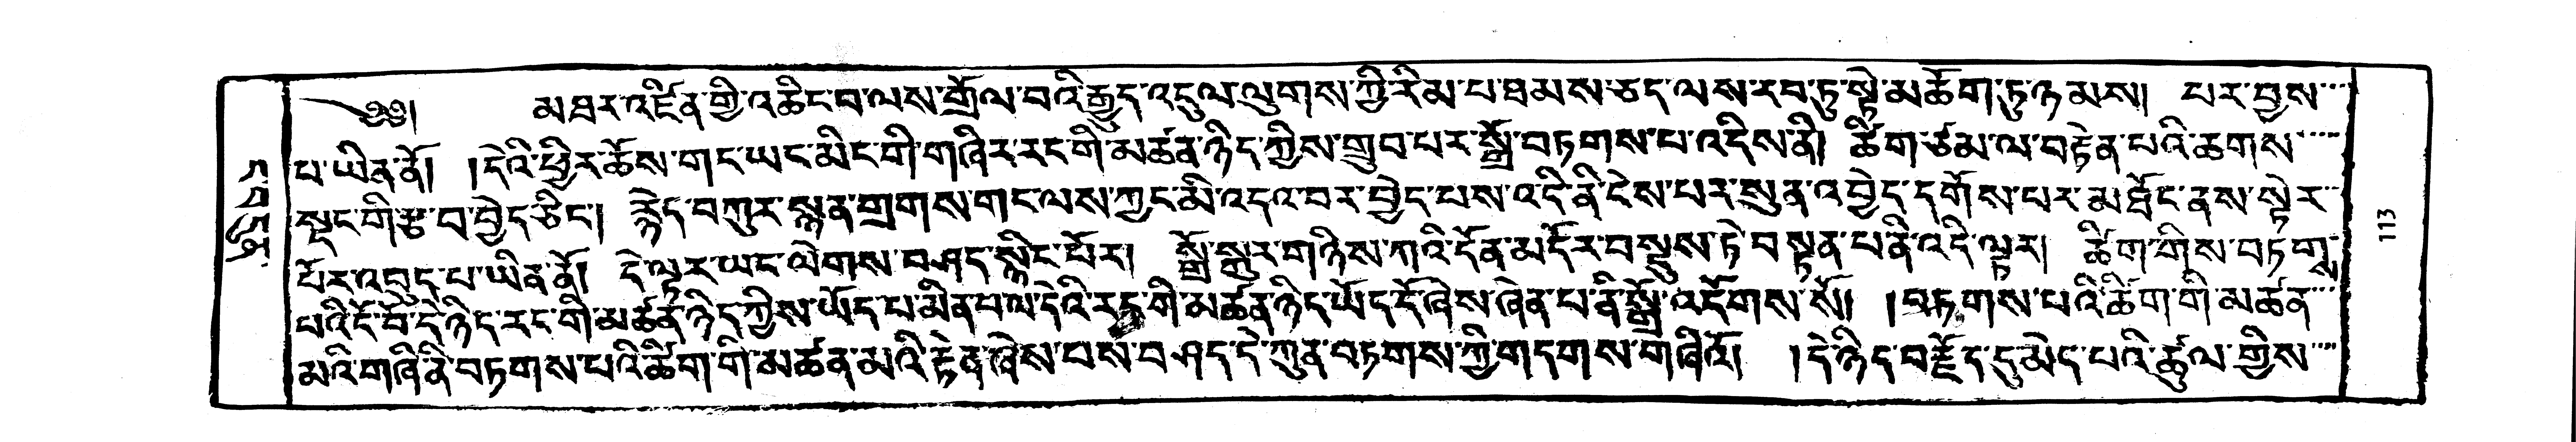༄༅། །མཐར་འཛིན་གྱི་འཆིང་བ་ལས་གྲོལ་བའི་རྒྱུད་འདུལ་ལུགས་ཀྱི་རིམ་པ་ཐམས་ཅད་ལས་རབ་ཏུ་སྟེ་མཆོག་ཏུ་ཉམས། པར་བྱས་
པ་ཡིན་ནོ། །དེའི་ཕྱིར་ཆོས་གང་ཡང་མིང་གི་གཞིར་རང་གི་མཚན་ཉིད་ཀྱིས་གྲུབ་པར་སྒྲོ་བཏགས་པ་འདིས་ནི། ཚིག་ཙམ་ལ་བརྟེན་པའི་ཆགས་
སྡང་གི་རྩ་བ་བྱེད་ཅིང་། རྙེད་བཀུར་སྙན་གྲགས་གང་ལས་ཀྱང་མི་འདའ་བར་བྱེད་པས་འདི་ནི་ངེས་པར་སུན་འབྱེད་དགོས་པར་མཐོང་ནས་སྟེར་
པོར་འབུད་པ་ཡིན་ནོ། དེ་ལྟར་ཡང་ལེགས་བཤད་སྙིང་པོར། སྒྲོ་སྐུར་གཉིས་ཀའི་དོན་མདོར་བསྡུས་ཏེ་བསྟན་པ་ནི་འདི་ལྟར། ཚིག་གིས་བཏགས་
པའི་ངོ་བོ་དེ་ཉིད་རང་གི་མཚན་ཉིད་ཀྱིས་ཡོད་པ་མིན་པ་ལ་དེའི་རང་གི་མཚན་ཉིད་ཡོད་དོ་ཞེས་ཞེན་པ་ནི་སྒྲོ་འདོགས་སོ། །བཏགས་པའི་ཚིག་གི་མཚན་
མའི་གཞི་ནི་བཏགས་པའི་ཚིག་གི་མཚན་མའི་རྟེན་ཞེས་པས་བཤད་དེ་ཀུན་བཏགས་ཀྱི་གདགས་གཞིའོ། །དེ་ཉིད་བརྗོད་དུ་མེད་པའི་ཚུལ་གྱིས་